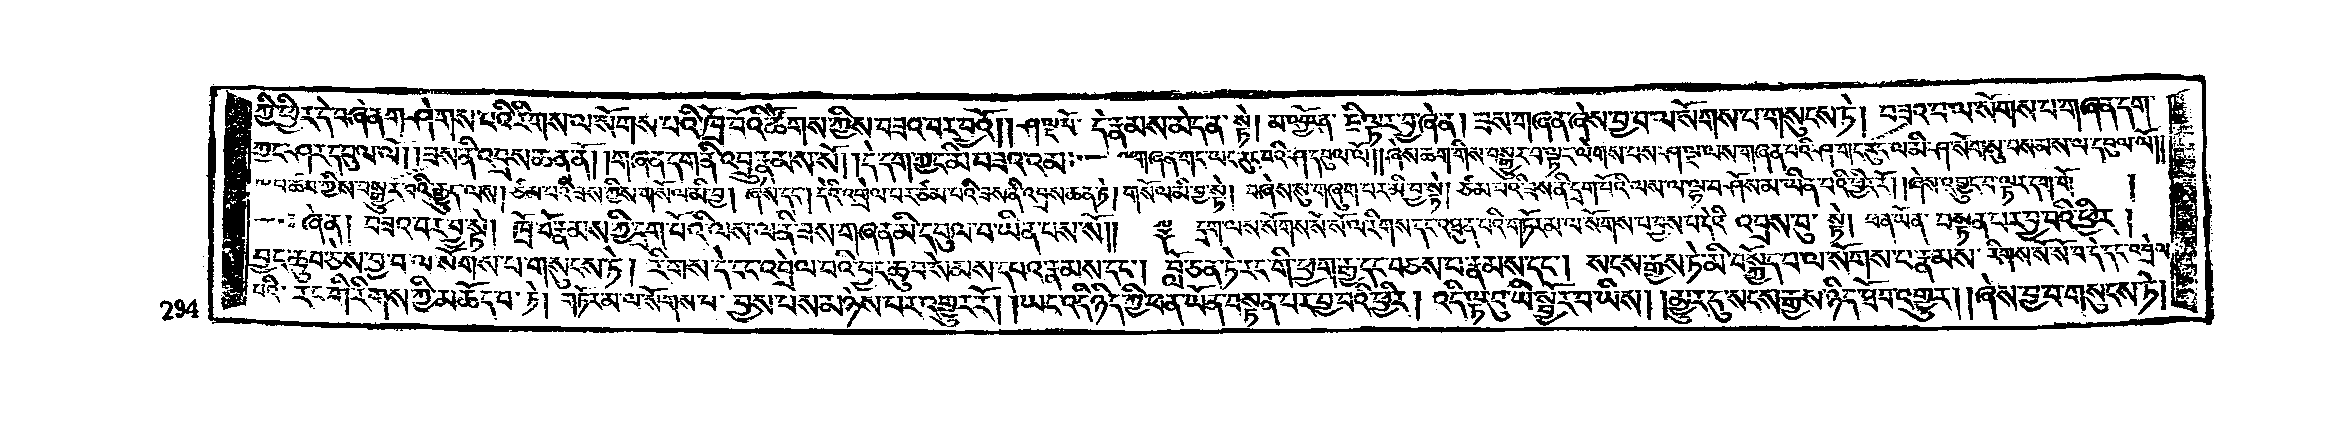ཀྱི་ཕྱིར་དེ་བཞིན་གཤེགས་པའི་རིགས་ལ་སོགས་པའི་ཁྲོ་བོའི་ཚོགས་ཀྱིས་བཟའ་བར་བྱའོ། །ཤ་ལྔ་པོ་དེ་རྣམས་མེད་ན་སྟེ། མ་འབྱོར་ན་ཇི་ལྟར་བྱ་ཞེ་ན། ཟས་གཞན་ཞེས་བྱ་བ་ལ་སོགས་པ་གསུངས་ཏེ། བཟའ་བ་ལ་སོགས་པ་གཞན་དག་
ཀྱང་ཤར་དབུལ་ལོ། །ཟས་ནི་འབྲས་ཆེན་ནོ། །གཞན་དག་ནི་འབྲུ་རྣམས་སོ། །དེ་དག་ཀྱང་མི་བཟའ་འམ་༧གཞན་གང་ཡང་རུང་བའི་ཤ་དབུལ་ལོ། །ཞེས་ཆག་གིས་བསྒྱུར་བ་ལྟར་ལེགས་པས་ཤ་ལྔ་ལས་གཞན་པའི་ཤ་གང་རུང་ལ་མི་ཤ་སོགས་སུ་བསམས་ལ་དབུལ་ལོ།།
༧པ་ཚབ་ཀྱིས་བསྒྱུར་བའི་རྒྱུད་ལས། ཙམ་པའི་ཟས་ཀྱིས་གསོལ་མི་བྱ། ཞེས་དང་། དེའི་འགྲེལ་པར་ཙམ་པའི་ཟས་ནི་འབྲས་ཆེན་ཏེ། གསོལ་མི་བྱ་སྟེ། བཞེས་སུ་གཞུག་པར་མི་བྱ་སྟེ། ཙམ་པའི་ཟས་ནི་དྲག་པོའི་ལས་ལ་ལྷ་བཤོས་མ་ཡིན་པའི་ཕྱིར་རོ། །ཞེས་འབྱུང་བ་ལྟར་དག་གོ །
ཞེ་ན། བཟའ་བར་བྱ་སྟེ། ཁྲོ་བོ་རྣམས་ཀྱི་དྲག་པོའི་ལས་ལ་ནི་ཟས་གཞན་མི་དབུལ་བ་ཡིན་པས་སོ།། ༈ དྲག་ལས་སོགས་སོ་སོ་ལ་རིགས་དང་འཐུན་པའི་གཏོར་མ་ལ་སོགས་པ་བྱས་པ་དེའི་འབྲས་བུ་སྟེ། ཕན་ཡོན་བསྟན་པར་བྱ་བའི་ཕྱིར།
བྱང་ཆུབ་ཅེས་བྱ་བ་ལ་སོགས་པ་གསུངས་ཏེ། རིགས་དེ་དང་འབྲེལ་བའི་བྱང་ཆུབ་སེམས་དཔའ་རྣམས་དང་། བློ་ཅན་ཏེ་རང་གི་ཕྱག་རྒྱ་དང་བཅས་པ་རྣམས་དང་། སངས་རྒྱས་ཏེ་མི་བསྐྱོད་པ་ལ་སོགས་པ་རྣམས་རིགས་སོ་སོ་བ་དེ་དང་འབྲེལ་
བའི་རང་གི་རིགས་ཀྱི་མཆོད་པ་ཏེ། གཏོར་མ་ལ་སོགས་པ་བྱས་པས་མཉེས་པར་འགྱུར་རོ། །ཡང་འདི་ཉིད་ཀྱི་ཕན་ཡོན་བསྟན་པར་བྱ་བའི་ཕྱིར། འདི་ལྟ་བུ་ཡི་སྦྱོར་བ་ཡིས། །མྱུར་དུ་སངས་རྒྱས་ཉིད་ཐོབ་འགྱུར། །ཞེས་བྱ་བ་གསུངས་ཏེ།